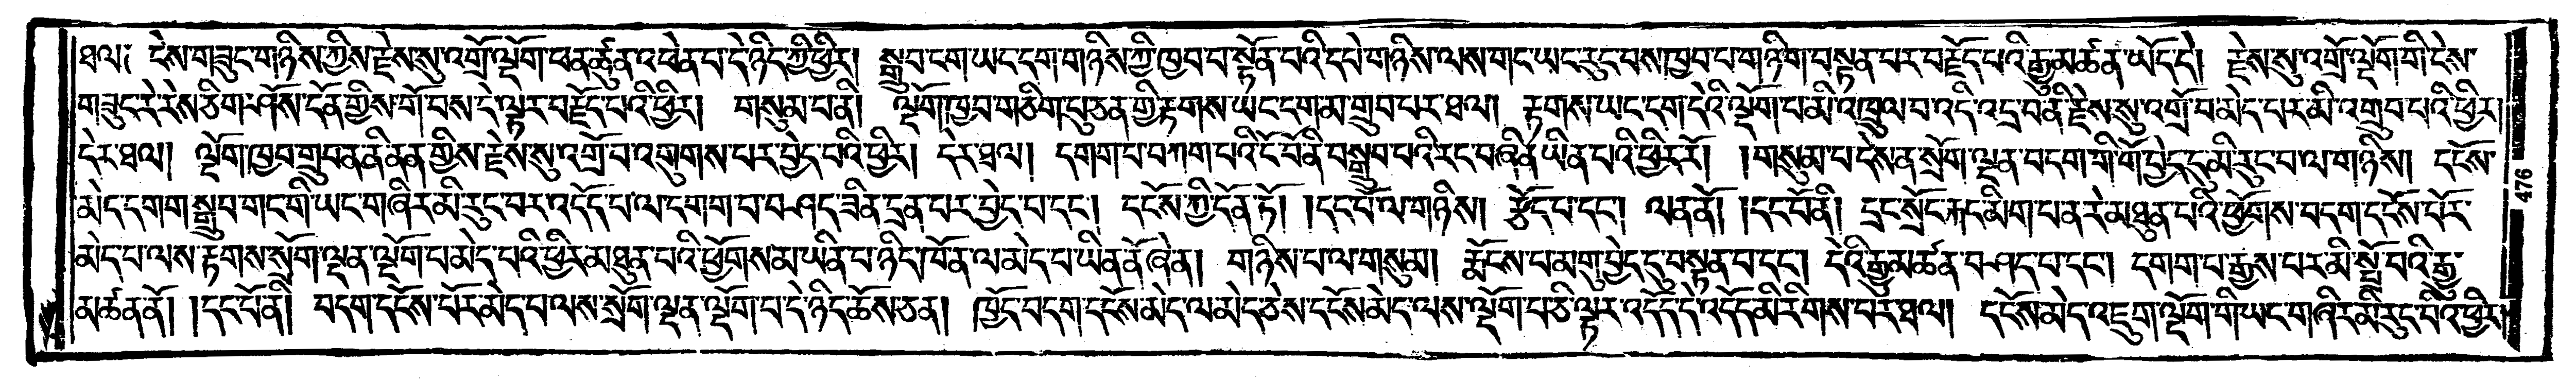ཐལ༑ ངེས་གཟུང་གཉིས་ཀྱིས་རྗེས་སུ་འགྲོ་ལྡོག་ཕན་ཚུན་འཕེན་པ་དེ་ཉིད་ཀྱི་ཕྱིར། སྒྲུབ་ངག་ཡང་དག་གཉིས་ཀྱི་ཁྱབ་པ་སྟོན་པའི་དཔེ་གཉིས་ལས་གང་ཡང་རུང་བས་ཁྱབ་པ་གཉི་ག་བསྟན་པར་བརྗོད་པའི་རྒྱུ་མཚན་ཡོད་དེ། རྗེས་སུ་འགྲོ་ལྡོག་གི་ངེས་
གཟུང་རེ་རེས་ཅིག་ཤོས་དོན་གྱིས་གོ་བས་དེ་ལྟར་བརྗོད་པའི་ཕྱིར། གསུམ་པ་ནི། ལྡོག་ཁྱབ་གཅིག་པུ་ཅན་གྱི་རྟགས་ཡང་དག་མ་གྲུབ་པར་ཐལ། རྟགས་ཡང་དག་དེའི་ལྡོག་པ་མི་འཁྲུལ་བ་འདི་འདྲ་བ་ནི་རྗེས་སུ་འགྲོ་བ་མེད་པར་མི་འགྲུབ་པའི་ཕྱིར།
དེར་ཐལ། ལྡོག་ཁྱབ་གྲུབ་ན་ནི་ནན་གྱིས་རྗེས་སུ་འགྲོ་བ་འགུགས་པར་བྱེད་པའི་ཕྱིར། དེར་ཐལ། དགག་པ་བཀག་པའི་ངོ་བོ་ནི་བསྒྲུབ་པའི་རང་བཞིན་ཡིན་པའི་ཕྱིར་རོ། །གསུམ་པ་དེས་ན་སྲོག་ལྡན་བདག་གི་གོ་བྱེད་དུ་མི་རུང་བ་ལ་གཉིས། དངོས་
མེད་དགག་སྒྲུབ་གང་གི་ཡང་གཞིར་མི་རུང་བར་འདོད་པ་ལ་དགག་བ་བཤད་ཟིན་དྲན་པར་བྱེད་པ་དང་། དངོས་ཀྱི་དོན་ཏོ། །དང་པོ་ལ་གཉིས། རྩོད་པ་དང་། ལན་ནོ། །དང་བོ་ནི། དྲང་སྲོང་རྐང་རྐང་མིག་པ་ན་རེ་མཐུན་པའི་ཕྱོགས་བདག་དངོས་པོར་
མེད་པ་ལས་རྟགས་སྲོག་ལྡན་ལྡོག་པ་མེད་པའི་ཕྱིར་མཐུན་པའི་ཕྱོགས་མ་ཡིན་པ་ཉིད་ཁོ་ན་ལ་མེད་པ་ཡིན་ནོ་ཞེ་ན། གཉིས་པ་ལ་གསུམ། རྨོངས་པ་མགུ་བྱེད་དུ་བསྟན་པ་དང་། དེའི་རྒྱུ་མཚན་བཤད་པ་དང་། དགག་པ་རྒྱས་པར་མི་སྤྲོ་བའི་རྒྱུ་
མཚན་ནོ། །དང་པོ་ནི། བདག་དངོས་པོར་མེད་པ་ལས་སྲོག་ལྡན་ལྡོག་པ་དེ་ཉིད་ཆོས་ཅན། ཁྱོད་བདག་དངོས་མེད་ལ་མེད་ཅེས་དངོས་མེད་ལས་ལྡོག་པ་ཅི་ལྟར་འདོད་དེ་འདོད་མི་རིགས་པར་ཐལ། དངོས་མེད་འཇུག་ལྡོག་གི་ཡང་གཞིར་མི་རུང་བའི་ཕྱིར།